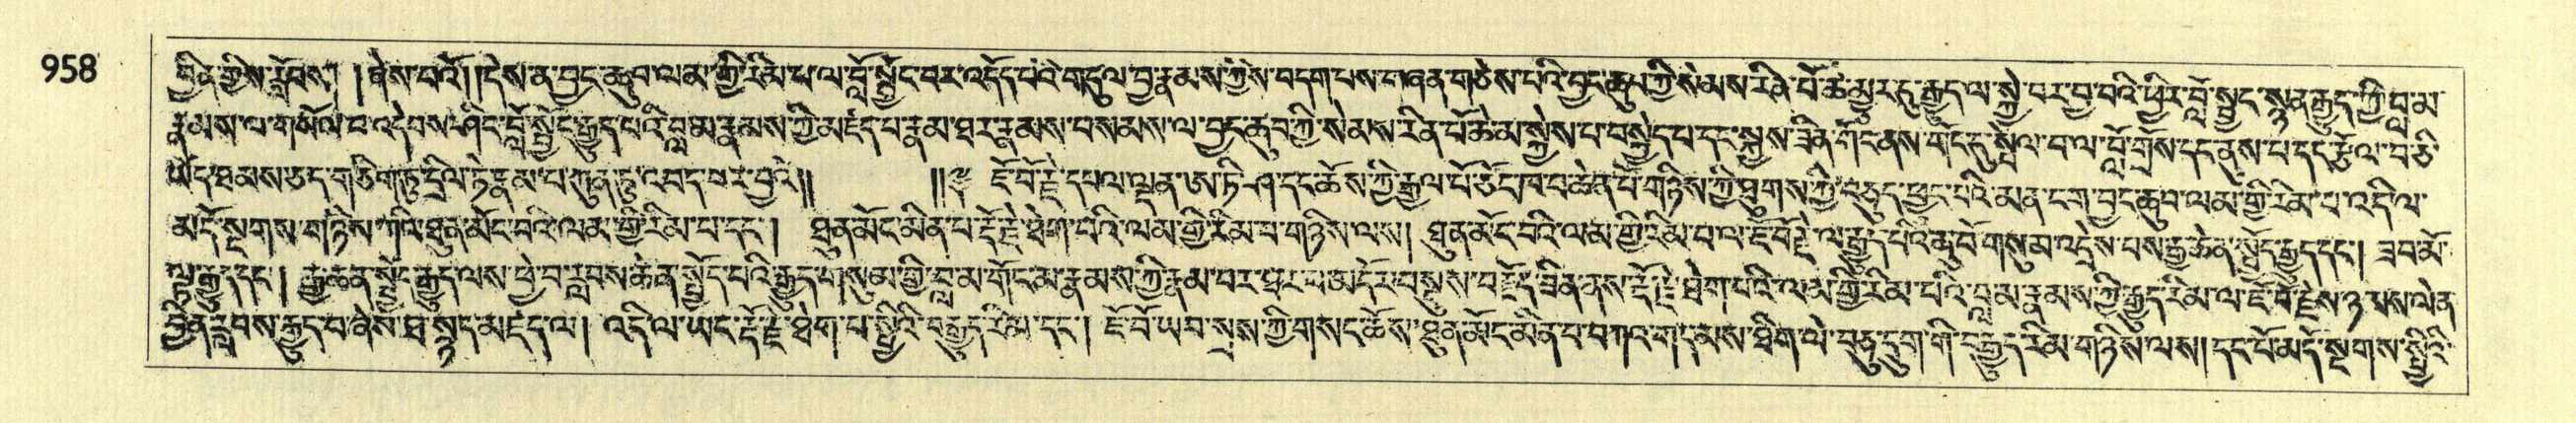བྱིན་གྱིས་རློབས། །ཞེས་བའོ། །དེས་ན་བྱང་ཆུབ་ལམ་གྱི་རིམ་པ་ལ་བློ་སྦྱོང་བར་འདོད་པའི་གདུལ་བྱ་རྣམས་ཀྱིས་བདག་པས་གཞན་གཅེས་པའི་བྱང་ཆུབ་ཀྱི་སེམས་རིན་པོ་ཆེ་མྱུར་དུ་རྒྱུད་ལ་སྐྱེ་པར་བྱ་བའི་ཕྱིར་བློ་སྦྱང་སྙན་རྒྱུད་ཀྱི་བླ་མ་
རྣམས་ལ་གསོལ་བ་འདེབས་ཤིང་བློ་སྦྱོང་རྒྱུད་པའི་བླ་མ་རྣམས་ཀྱི་མཛད་པ་རྣམ་ཐར་རྣམས་བསམས་ལ་བྱང་ཆུབ་ཀྱི་སེམས་རིན་པོ་ཆེ་མ་སྐྱེས་པ་བསྐྱེད་པ་དང་སྐྱས་ཟིན་གོང་ནས་གོང་དུ་སྤེལ་བ་ལ་བློ་གྲོས་དང་ནུས་པ་དང་རྩོལ་བ་ཅི་
ཡོད་ཐམས་ཅད་གཅིག་ཏུ་དྲིལ་ཏེ་རྣམ་པ་ཀུན་ཏུ་འབད་བར་བྱའོ།། །།༈ ཇོ་བོ་རྗེ་དཔལ་ལྡན་ཨ་ཏི་ཤ་དང་ཆོས་ཀྱི་རྒྱལ་པོ་ཙོང་ཁ་བ་ཆེན་པོ་གཉིས་ཀྱི་ཐུགས་ཀྱི་བཅུད་ཕྱུང་པའི་མན་ངག་བྱང་ཆུབ་ལམ་གྱི་རིམ་པ་འདི་ལ་
མདོ་སྔགས་གཉིས་ཀའི་ཐུན་མོང་བའི་ལམ་གྱི་རིམ་པ་དང་། ཐུན་མོང་མིན་པ་རྡོ་རྗེ་ཐེག་པའི་ལམ་གྱི་རིམ་པ་གཉིས་ལས། ཐུན་མོང་བའི་ལམ་གྱི་རིམ་པ་ལ་ཇོ་བོ་རྗེ་ལ་རྒྱུད་པའི་ཆུ་བོ་གསུམ་འདྲེས་པས་རྒྱ་ཆེན་སྤྱོད་རྒྱུད་དང་། ཟབ་མོ་
ལྟ་རྒྱུད་དང་། རྒྱ་ཆན་སྤྱོད་རྒྱུད་ལས་ཕྱེ་བ་རླབས་ཆེན་སྤྱོད་པའི་རྒྱུད་གསུམ་གྱི་བླ་མ་གོང་མ་རྣམས་ཀྱི་རྣམ་པར་ཐར་པ་མདོར་བསྡུས་བརྗོད་ཟིན་ནས་རྡོ་རྗེ་ཐེག་པའི་ལམ་གྱི་རིམ་པའི་བླ་མ་རྣམས་ཀྱི་རྒྱུད་རིམ་ལ་ཇོ་བོ་རྗེས་ཉམས་ལེན་
བྱིན་རླབས་རྒྱུད་བ་ཞེས་ཐ་སྙད་མཛད་ལ། འདི་ལ་ཡང་རྡོ་རྗེ་ཐེག་པ་སྤྱིའི་བརྒྱུད་རིམ་དང་། ཇོ་བོ་ཡབ་སྲས་ཀྱི་གསང་ཆོས་ཐུན་མོང་མིན་པ་བཀའ་གདམས་ཐིག་ལེ་བཅུ་དྲུག་གི་བརྒྱུད་རིམ་གཉིས་ལས། དང་པོ་མདོ་སྔགས་སྤྱིའི་